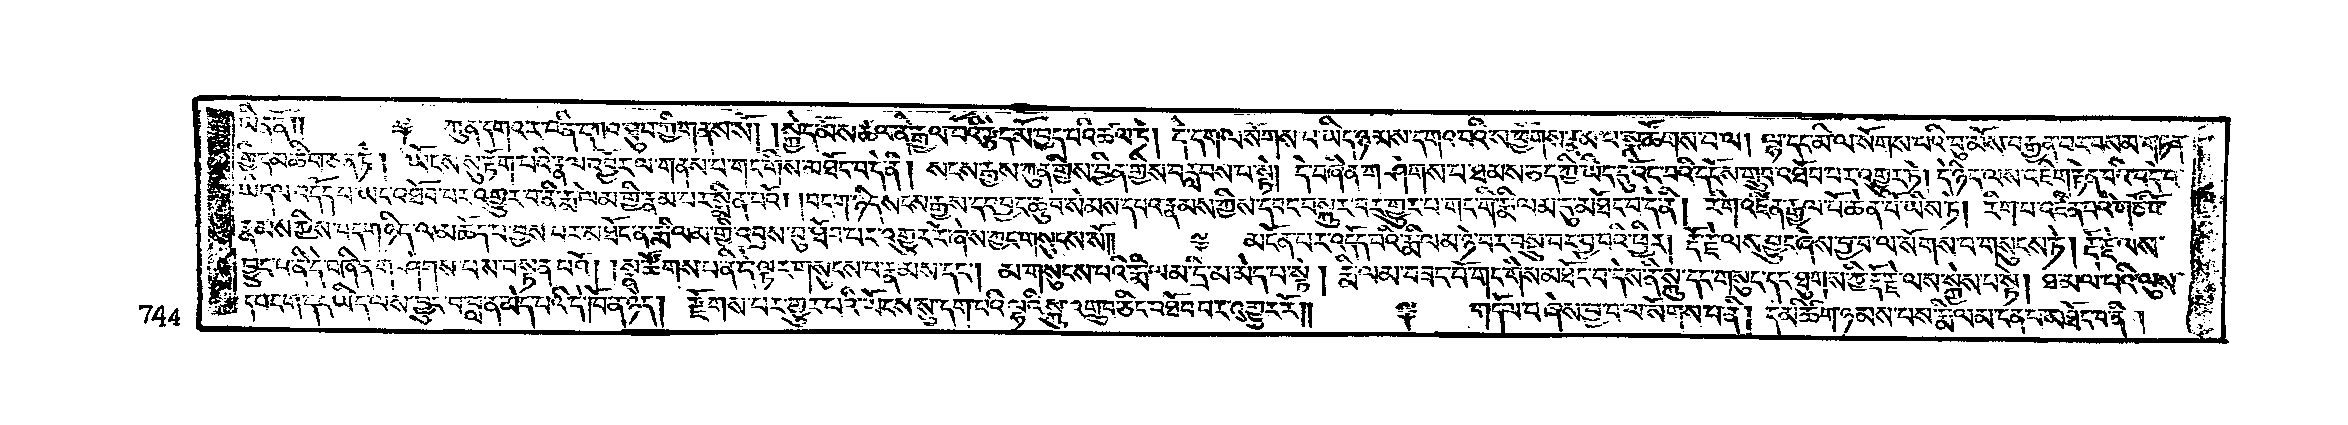ཡིན་ནོ།། ༈ ཀུན་དགའ་རབ་ནི་དཀའ་ཐུབ་ཀྱེ་གནས་སོ། །སྐྱེད་མོས་ཚལ་ནི་རྒྱལ་པོའི་རྩེད་མོ་བྱེད་པའི་ཆལ་ཏེ། དེ་དག་ལ་སོགས་པ་ཡིད་ཉམས་དགའ་བའི་ས་ཕྱོགས་རྣམ་པ་སྣ་ཚོགས་པ་ལ། ལྷ་དང་མི་ལ་སོགས་པའི་བུ་མོས་བརྒྱན་པར་བསམ་གཏན་
གྱི་དམ་ཚིག་ཅན་ཏེ། ཡོངས་སུ་རྟོག་པའི་རྣལ་འབྱོར་ལ་གནས་པ་གང་གིས་མཐོང་བ་དེ་ནི། སངས་རྒྱས་ཀུན་གྱིས་བྱིན་གྱིས་བརླབས་པ་སྟེ། དེ་བཞིན་གཤེགས་པ་ཐམས་ཅད་ཀྱི་ཡིད་དུ་འོང་བའི་དངོས་གྲུབ་འཐོབ་པར་འགྱུར་ཏེ། དེ་ཉིད་ལས་འཇིག་རྟེན་པའི་བདེ་བ་
ཡིད་ལ་འདོད་པ་ཡང་འཐོབ་པར་འགྱུར་བ་ནི་རྨི་ལམ་གྱི་རྣམ་པར་སྨིན་པའོ། །བདག་ཉིད་སངས་རྒྱས་དང་བྱང་ཆུབ་སེམས་དཔའ་རྣམས་ཀྱིས་དབང་བསྐུར་བར་གྱུར་པ་གང་གི་རྨི་ལམ་དུ་མཐོང་བ་དེ་ནི། རིག་འཛིན་རྒྱལ་པོ་ཆེན་པོ་ཡིས་ཏེ། རིག་པ་འཛིན་པའི་གཙོ་བོ་
རྣམས་ཀྱིས་བདག་ཉིད་ལ་མཆོད་པ་བྱས་པར་མཐོང་ན་རྨི་ལམ་གྱི་འབྲས་བུ་ཐོབ་པར་འགྱུར་རོ་ཞེས་ཀྱང་གསུངས་སོ།། ༈ མངོན་པར་འདོད་པའི་རྨི་ལམ་ཉེ་བར་བསྡུ་བར་བྱ་བའི་ཕྱིར། རྡོ་རྗེ་ལས་བྱུང་ཞེས་བྱ་བ་ལ་སོགས་པ་གསུངས་ཏེ། རྡོ་རྗེ་ལས་
བྱུང་བ་ནི་དེ་བཞིན་གཤེགས་པ་?་བསྟན་པའོ། །སྣ་ཚོགས་པ་ནི་དེ་ལྟར་གསུངས་པ་རྣམས་དང་། མ་གསུངས་པའི་རྨི་ལམ་དྲི་མ་མེད་པ་སྟེ། རྨི་ལམ་བཟང་པོ་གང་གིས་མཐོང་བ་དེས་ནི་སྐུ་དང་གསུངས་དང་ཐུགས་ཀྱི་རྡོ་རྗེ་ལས་སྐྱེས་པ་སྟེ། ཐ་མལ་པའི་ལུས་
དང་ངག་དང་ཡིད་ལས་བྱུང་བ་བླ་ན་མེད་པའི་དེ་ཁོ་ན་ཉིད། རྫོགས་པར་གྱུར་པའི་ཡོངས་སུ་དག་པའི་ལྷའི་སྐུ་འགྲུབ་ཅིང་འཐོབ་པར་འགྱུར་རོ།། ༈ གདོལ་བ་ཞེས་བྱ་བ་ལ་སོགས་པ་ནི། དམ་ཚིག་ཉམས་པས་རྨི་ལམ་ངན་པ་མཐོང་བ་ནི།